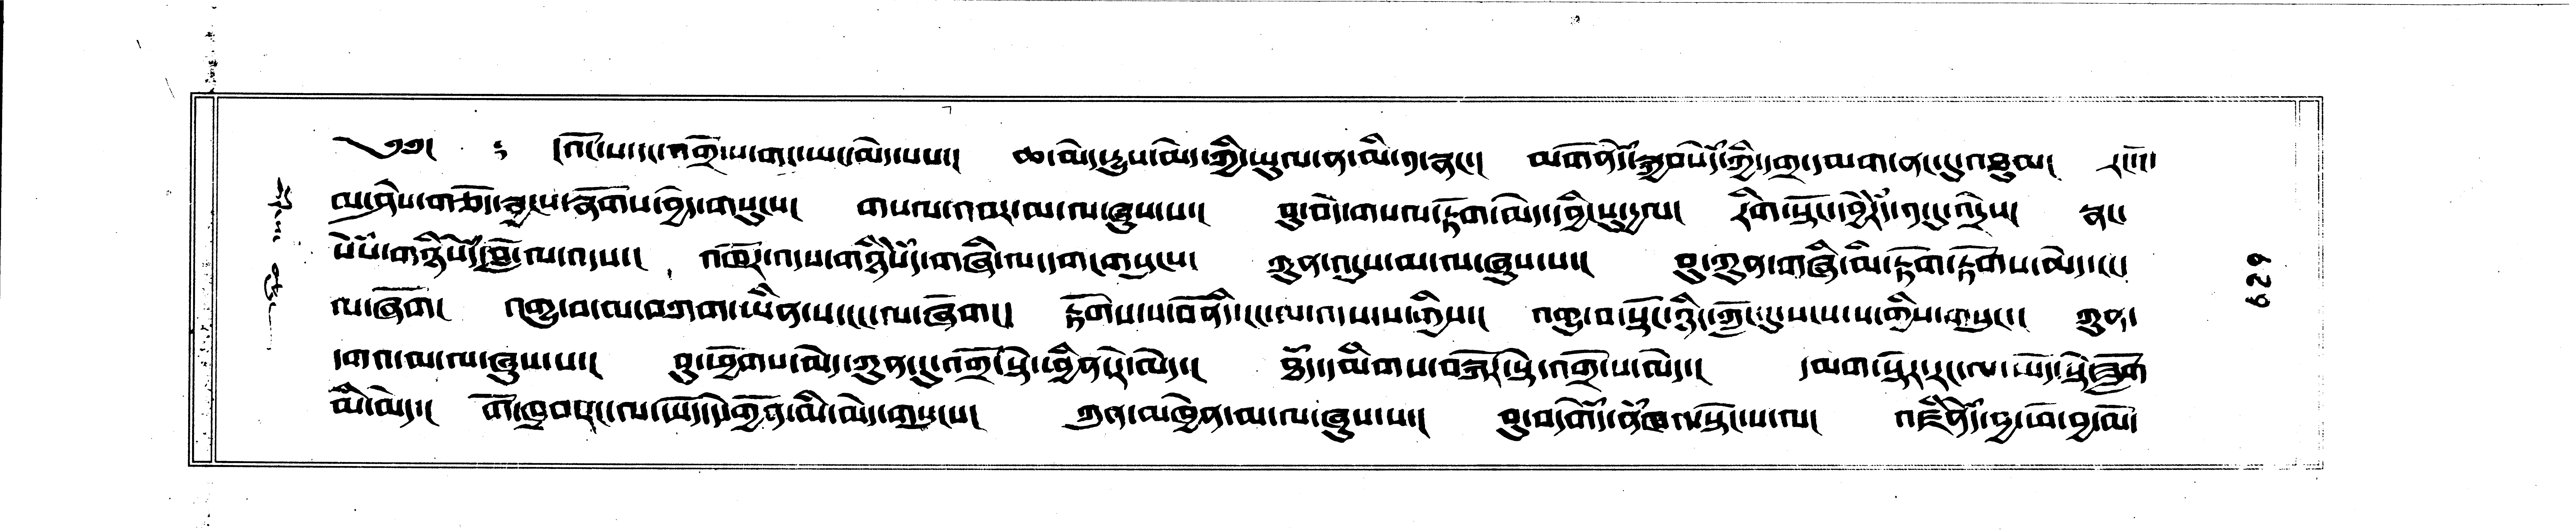འོང་ས་དང་འགྲོ་ས་གང་ཡང་མེད་པའི། ཆ་མེད་རྒྱུས་མེད་ཀྱི་མི་གཅིག་སྣང་། མགོན་མེད་སྐྱབས་མེད་དགྲ་ཡུལ་དམགས་ནང་དུ་འཐུམ། རང་ངོ་
མ་ཤེས་གཅོད་སྦྱོང་སྣ་ཚོགས་བྱེད་གསུངས། གསལ་འབར་མ་ལ་ཞུས་པ། བུ་བདེ་གསལ་རྟོག་མེད་དབྱིངས་སུ་རྒྱས། རིག་སྟོང་དབྱེར་མེད་གཅིག་ཏུ་འདྲེ། སྣང་
སེམས་གཉིས་མེད་བློ་ལ་འདས། འཁོར་འདས་གཉིས་མེད་གཞི་ལ་དག་གསུངས། ཀུན་འདུས་མ་ལ་ཞུས་པ། བུ་ཀུན་གཞི་མ་རྟོགས་རྟོག་མེད་ངང་
ལ་ཞོགས། འགྱུ་བ་མ་བཀགས་རྒྱ་ཡན་ངང་ལ་ཞོགས། རྟོག་པ་བོན་ཉིད་ངང་ལ་འདས་པ་གྱིས། འགྱུ་བ་སྟོང་ཉིད་ངང་དུ་སངས་པ་གྱིས་གསུངས། ཀུན་
དགའ་མ་ལ་ཞུས་པ། བུ་ཕྱོགས་མེད་ཀུན་དུ་འགྲོ་ཏེ་ཕྱིན་རེ་མེད། ཐམས་ཅད་དམག་གིས་བསྐོར་ཏེ་བྲོས་ས་མེད། དམག་གིས་སོད་རྡོ་རང་ལ་ཡོད་སྟེ་ཟློག་
མི་མེད། གོ་ཁྲབ་རང་ལ་ཡོད་སྟེ་གོན་ཤེས་མེད་གསུངས། ཀུན་མཁྱེན་མ་ལ་ཞུས་པས། བདག་མེད་ནམ་མཁའ་སྟོང་པ་ལ། འཛིན་མེད་བྱ་ཕོ་བྱ་མོ་